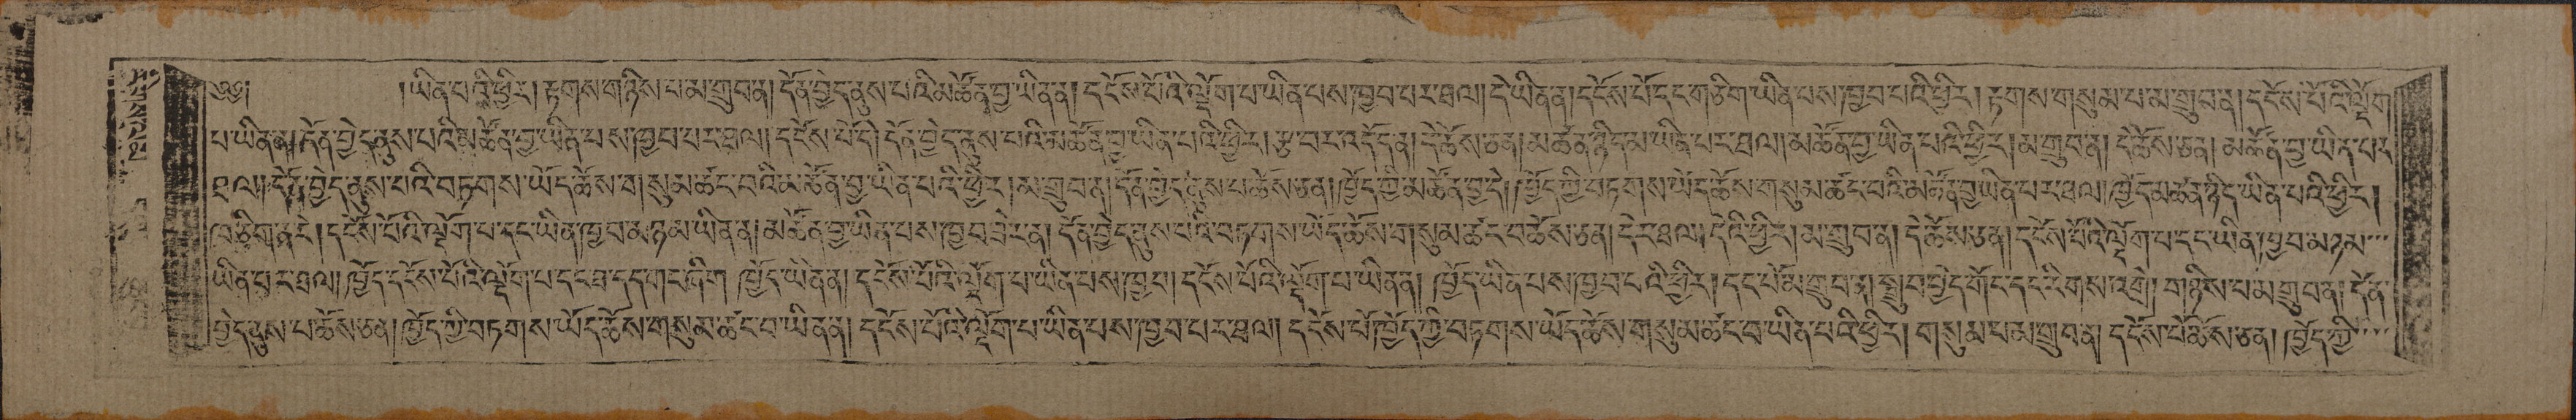༄༅། །ཡིན་པའི་ཕྱིར། རྟགས་གཉིས་པ་མ་གྲུབ་ན། དོན་བྱེད་ནུས་པའི་མཚོན་བྱ་ཡིན་ན། དངོས་པོའི་ལྡོག་པ་ཡིན་པས་ཁྱབ་པར་ཐལ། དེ་ཡིན་ན། དངོས་པོ་དང་གཅིག་ཡིན་པས་ཁྱབ་པའི་ཕྱིར། རྟགས་གསུམ་པ་མ་གྲུབ་ན། དངོས་པོའི་ལྡོག་
པ་ཡིན་ན། དོན་བྱེད་ནུས་པའི་མཚོན་བྱ་ཡིན་པས་ཁྱབ་པར་ཐལ། དངོས་པོ་དེ། དོན་བྱེད་ནུས་པའི་མཚོན་བྱ་ཡིན་པའི་ཕྱིར། རྩ་བར་འདོད་ན། དེ་ཆོས་ཅན། མཚན་ཉིད་མ་ཡིན་པར་ཐལ། མཚོན་བྱ་ཡིན་པའི་ཕྱིར། མ་གྲུབ་ན། དེ་ཆོས་ཅན། མཚོན་བྱ་ཡིན་པར་
ཐལ༑ དོན་བྱེད་ནུས་པའི་བཏགས་ཡོད་ཆོས་གསུམ་ཚང་བའི་མཚོན་བྱ་ཡིན་པའི་ཕྱིར། མ་གྲུབ་ན། དོན་བྱེད་ནུས་པ་ཆོས་ཅན། ཁྱོད་ཀྱི་མཚོན་བྱ་དེ། ཁྱོད་ཀྱི་བཏགས་ཡོད་ཆོས་གསུམ་ཚང་བའི་མཚོན་བྱ་ཡིན་པར་ཐལ། ཁྱོད་མཚན་ཉིད་ཡིན་པའི་ཕྱིར།
ཁ་ཅིག་ན་རེ། དངོས་པོའི་ལྡོག་པ་དང་ཡིན་ཁྱབ་མཉམ་ཡིན་ན། མཚོན་བྱ་ཡིན་པས་ཁྱབ་ཟེར་ན། དོན་བྱེད་ནུས་པའི་བཏགས་ཡོད་ཆོས་གསུམ་ཚང་བ་ཆོས་ཅན། དེར་ཐལ། དེའི་ཕྱིར། མ་གྲུབ་ན། དེ་ཆོས་ཅན། དངོས་པོའི་ལྡོག་པ་དང་ཡིན་ཁྱབ་མཉམ་
ཡིན་པར་ཐལ། ཁྱོད་དངོས་པོའི་ལྡོག་པ་དང་ཐ་དད་གང་ཞིག །ཁྱོད་ཡིན་ན། དངོས་པོའི་ལྡོག་པ་ཡིན་པས་ཁྱབ། དངོས་པོའི་ལྡོག་པ་ཡིན་ན། ཁྱོད་ཡིན་པས་ཁྱབ་པའི་ཕྱིར། དང་པོ་མ་གྲུབ་ན། སྒྲུབ་བྱེད་གོང་དང་རིགས་འགྲེ། གཉིས་པ་མ་གྲུབ་ན། དོན་
བྱེད་ནུས་པ་ཆོས་ཅན། ཁྱོད་ཀྱི་བཏགས་ཡོད་ཆོས་གསུམ་ཚང་བ་ཡིན་ན། དངོས་པོའི་ལྡོག་པ་ཡིན་པས་ཁྱབ་པར་ཐལ། དངོས་པོ་ཁྱོད་ཀྱི་བཏགས་ཡོད་ཆོས་གསུམ་ཚང་བ་ཡིན་པའི་ཕྱིར། གསུམ་པ་མ་གྲུབ་ན། དངོས་པོ་ཆོས་ཅན། ཁྱོད་ཀྱི་